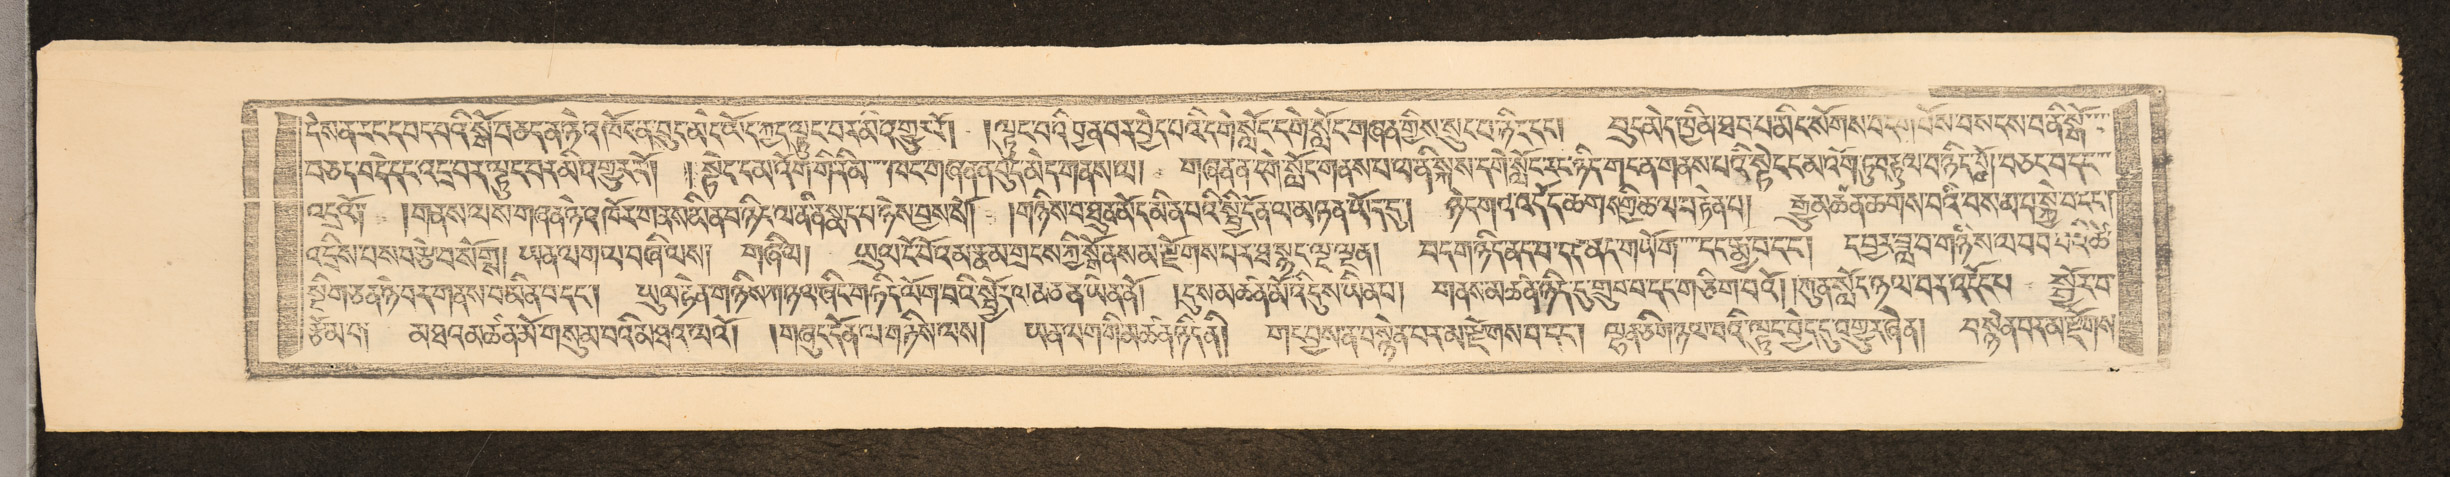དེས་ན་རང་དབང་བའི་སྒོ་བཅད་ན་ཉེ་འཁོར་ན་བུད་མེད་ཡོད་ཀྱང་ལྟུང་བར་མི་འགྱུར་རོ། །ལྟུང་བ་འབྱིན་པར་བྱེད་པའི་དགེ་སློང་དགེ་སློང་དགེ་སློང་གཞན་གྱིས་སྲུང་བ་ཉིད་དང་། བུད་མེད་ཁྱིམ་ཐབ་ཕ་མིང་སོགས་བདག་པོས་བསྲུངས་བ་ནི་སྒོ་
བཅད་པ་དེ་དང་འདྲ་བར་ལྟུང་བར་མི་འགྱུར་རོ། །སྟེང་ངམ་འོག་གི་རིམ་ཁང་གཞན་ན་བུད་མེད་གནས་ལ། གཞན་ན་དགེ་སློང་གནས་པ་ལ་ནི་སྐས་དགེ་སློང་རང་ཉིད་གང་ན་གནས་པའི་སྟེང་ངམ་འོག་ཏུ་བརྟུལ་བ་ཉིད་སྒོ་བཅད་པ་དང་
འདྲའོ༑ །གནས་ལས་གཞན་ཉེ་འཁོར་གནས་མིན་པ་ཉིད་ལ་ནི་ན་སྨད་པ་ཉེས་བྱས་སོ། །གཉིས་པ་ཐུན་མོང་མིན་པའི་སྤྱི་དོན་ལ་མཉན་ཡོད་དུ། ཉེ་དགའ་འདོད་ཆགས་ཀྱི་ཆ་ལ་བརྟེན་པ། རྒྱུ་མཚན་ཆགས་པའི་བསམ་པ་སྐྱེ་བ་དང་།
འདྲིས་པས་བརྩེ་བ་སོགས། ཡན་ལག་ལ་བཞི་ལས། གཞི་ལ། ཡུལ་ངོ་བོའམ་རྣམ་གྲངས་ཀྱི་སྒོ་ནས་མ་རྫོགས་པར་ཐ་སྙད་ལྔ་ལྡན། བདག་ཉིད་ནད་པ་དང་ནད་གཡོག་དང་རྨྱ་བ་དང་། དབྱར་ཟླ་བ་གཉིས་ལ་བབ་པའི་ཚེ་
སྡིག་ཅན་ཉེ་བར་གནས་པ་མིན་པ་དང་། ཡུལ་རྟེན་གཉིས་ཀ་ཉལ་ཞིང་གཉིད་ལོག་པའི་སྤྱོད་ལམ་ཅན་ཡིན་ནོ། །དུས་མཚན་མོའི་དུས་ཡིན་པ། གནས་མཚན་ཉིད་དུ་གྲུབ་པ་དང་གཅིག་པའོ། །ཀུན་སློང་ཉལ་བར་འདོད་པ། སྦྱོར་བ་
རྩོམ་པ། མཐའ་མཚན་མོ་གསུམ་པའི་མཐའ་ལའོ། །གཞུང་དོན་ལ་གཉིས་ལས། ཡན་ལག་གི་མཚན་ཉིད་ནི། གང་བྱས་ན་བསྙེན་པར་མ་རྫོགས་པ་དང་། ལྷན་ཅིག་ཉལ་བའི་ལྟུང་བྱེད་དུ་འགྱུར་ཞེ་ན། བསྙེན་པར་མ་རྫོགས་